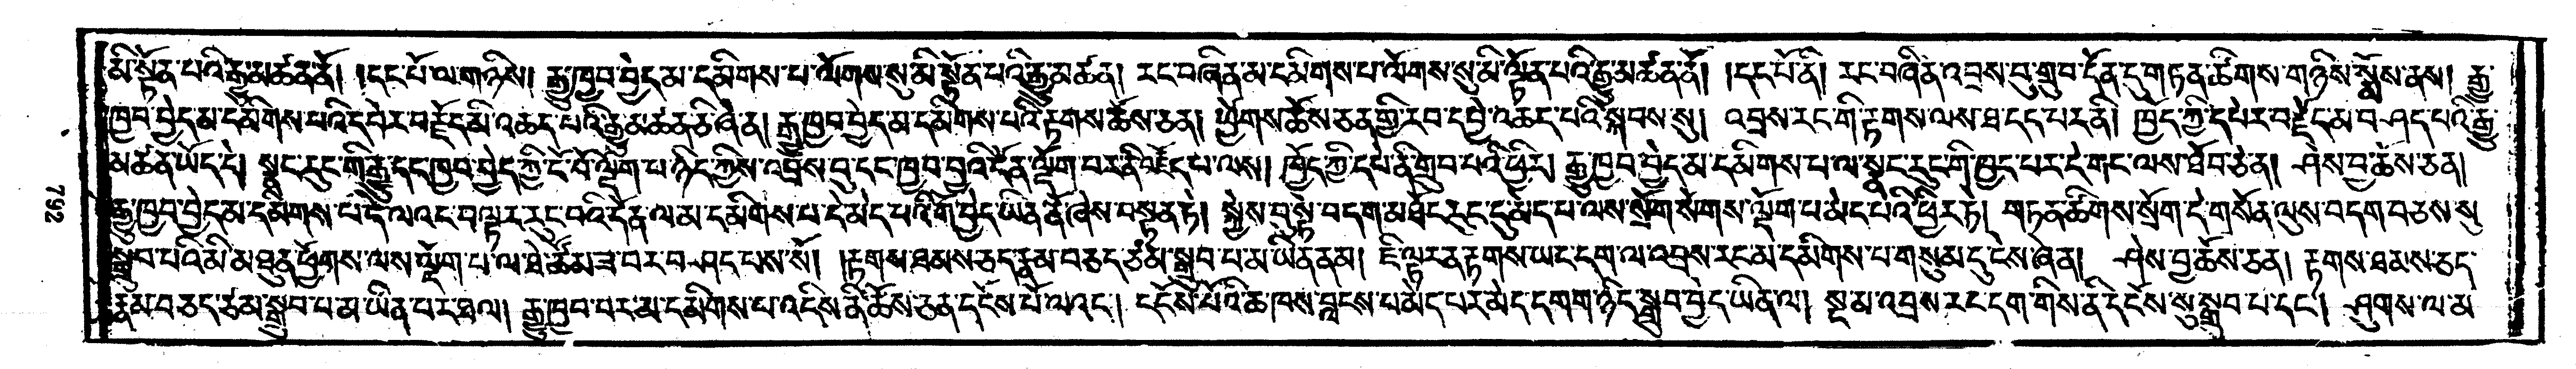མི་སྟོན་པའི་རྒྱུ་མཚན་ནོ། །དང་པོ་ལ་གཉིས། རྒྱུ་ཁྱབ་བྱེད་མ་དམིགས་པ་ལོགས་སུ་མི་སྟོན་པའི་རྒྱུ་མཚན། རང་བཞིན་མ་དམིགས་པ་ལོགས་སུ་མི་ལྟོན་པའི་རྒྱུ་མཚན་ནོ། །དང་པོ་ནི། རང་བཞིན་འབྲས་བུ་གྲུབ་དོན་དུ་གཏན་ཚིགས་གཉིས་སྨོས་ནས། རྒྱུ་
ཁྱབ་བྱེད་མ་དམིགས་པའི་དབེར་བརྗོད་མི་འཆད་པའི་རྒྱུ་མཚན་ཅི་ཞེ་ན། རྒྱུ་ཁྱབ་བྱེད་མ་དམིགས་པའི་རྟགས་ཆོས་ཅན། ཕྱོགས་ཆོས་ཅན་གྱི་རབ་དབྱེ་འཆད་པའི་སྐབས་སུ། འབྲས་རང་གི་རྟགས་ལས་ཐ་དད་པར་ནི། ཁྱོད་ཀྱི་དཔེར་བརྗོད་མ་བཤད་པའི་རྒྱུ་
མཚན་ཡོད་དེ། སྣང་རུང་གི་རྒྱུ་དང་ཁྱབ་བྱེད་ཀྱི་ངོ་བོ་ལྡོག་པ་ཉིད་ཀྱིས་འབྲས་བུ་དང་ཁྱབ་བྱའི་དོན་ལྡོག་པར་ནི་བརྗོད་པ་ལས། ཁྱོད་ཀྱི་དཔེ་ནི་གྲུབ་པའི་ཕྱིར། རྒྱུ་ཁྱབ་བྱེད་མ་དམིགས་པ་ལ་སྣང་རུང་གི་ཁྱད་པར་དེ་གང་ལས་ཐོབ་ཅེ་ན། ཤེས་བྱ་ཆོས་ཅན།
རྒྱུ་ཁྱབ་བྱེད་མ་དམིགས་པ་དེ་ལའང་བལྟར་རུང་བའི་དོན་ལ་མ་དམིགས་པ་དེ་མེད་པའི་གོ་བྱེད་ཡིན་ནོ་ཞེས་བསྟན་ཏེ། སྐྱེས་བུ་སྟེ་བདག་མཐོང་རུང་དུ་མེད་པ་ལས་སྲོག་སོགས་ལྡོག་པ་མེད་པའི་ཕྱིར་ཏེ། གཏན་ཚིགས་སྲོག་དེ་གསོན་ལུས་བདག་བཅས་སུ་
སྒྲུབ་པའི་མི་མཐུན་ཕྱོགས་ལས་ལྡོག་པ་ལ་ཐེ་ཚོམ་ཟ་བར་བཤད་པས་སོ། །རྟགས་ཐམས་ཅད་རྣམ་བཅད་ཙམ་སྒྲུབ་པ་མ་ཡིན་ནམ། ཇི་ལྟར་ན་རྟགས་ཡང་དག་ལ་འབྲས་རང་མ་དམིགས་པ་གསུམ་དུ་ངེས་ཞེ་ན། ཤེས་བྱ་ཆོས་ཅན། རྟགས་ཐམས་ཅད་
རྣམ་བཅད་ཙམ་སྒྲུབ་པ་མ་ཡིན་པར་ཐལ། རྒྱུ་ཁྱབ་པར་མ་དམིགས་པ་འདིས་ནི་ཆོས་ཅན་དངོས་པོ་ལའང་། དངོས་པོའི་ཆ་ཁས་བླངས་པ་མེད་པར་མེད་དགག་ཉིད་སྒྲུབ་བྱེད་ཡིན་ལ། སྔ་མ་འབྲས་རང་དག་གིས་ནི་དངོས་སུ་སྒྲུབ་པ་དང་། ཤུགས་ལ་མ་